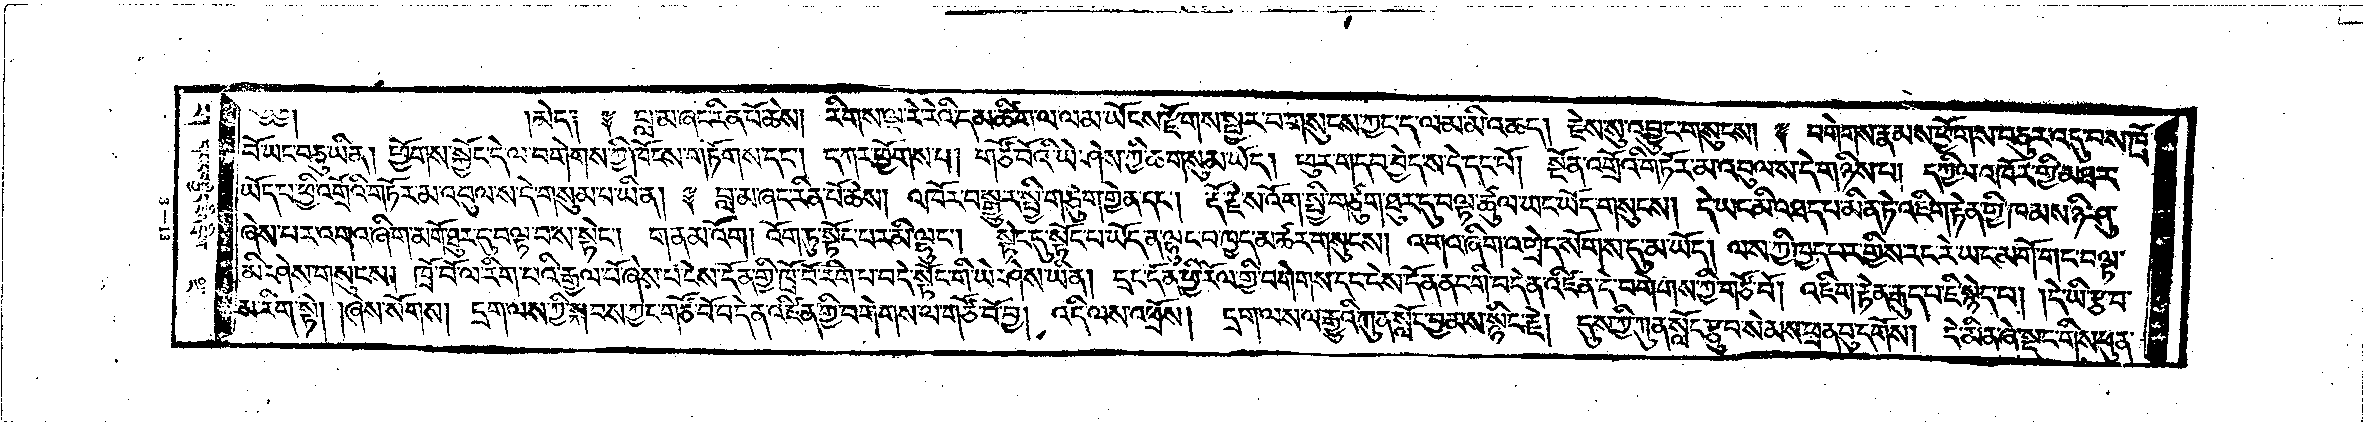༄༅། །མེད༑ ༈ བླ་མ་ཞང་རིན་པོ་ཆེས། རིགས་ལྔ་རེ་རེའི་དམ་ཚིག་ལ་ལམ་ཡོངས་རྫོགས་སྦྱར་བ་གསུངས་ཀྱང་ད་ལམ་མི་འཆད། རྗེས་སུ་འབྱུང་གསུངས། ༈ བགེགས་རྣམས་ཕྱོགས་བཅུར་འདུ་བས་ཁྲོ་
བོ་ཡང་བཅུ་ཡིན། ཕྱོགས་སྐྱོང་དེ་ལ་བགེགས་ཀྱི་ཁོངས་གཏོགས་དང་། དཀར་ཕྱོགས་པ། གཙོ་བོའི་ཡེ་ཤེས་ཀྱི་ཆ་གསུམ་ཡོད། ཕུར་གདབ་བྱེད་ས་དེ་དང་པོ། སྔོན་འགྲོའི་གཏོར་མ་འབུལ་ས་དེ་གཉིས་པ། དཀྱིལ་འཁོར་གྱི་མཐར་
ཡོད་པ་ཕྱི་འགྲོའི་གཏོར་མ་འབུལ་ས་དེ་གསུམ་པ་ཡིན། ༈ བླ་མ་ཞང་རིན་པོ་ཆེས། འཁོར་བསྒྱུར་སྤྱི་གཙུག་གྱེན་དང་། རྡོ་རྗེ་འོག་སྤྱི་གཙུག་ཐུར་དུ་བལྟ་ཚུལ་ཡང་ཡོད་གསུངས། དེ་ཡང་མི་འཐད་པ་མིན་ཏེ་འཇིག་རྟེན་གྱི་ཁམས་ཉི་ཤུ་
ཞེས་པར་འགའ་ཞིག་མགོ་ཐུར་དུ་བལྟ་བས་སྟེང་། གནམ་འོག། འོག་ཏུ་སྟོང་པར་མི་ལྷུང་། སྟེང་དུ་སྟོང་པ་ཡོད་ན་ལྷུང་བ་ཁྱད་མཚར་གསུངས། འགའ་ཞིག་འགྲེད་སོགས་དུ་མ་ཡོད། ལས་ཀྱི་ཁྱད་པར་གྱིས་རང་རེ་ཡང་མགོ་གང་བལྟ་
མི་ཤེས་གསུངས། ཁྲོ་བོ་ལ་རིག་པའི་རྒྱལ་པོ་ཞེས་པ་ངེས་དོན་གྱི་ཁྲོ་བོ་རིག་པ་བདེ་སྟོང་གི་ཡེ་ཤེས་ཡིན། དྲང་དོན་ཕྱི་རོལ་གྱི་བགེགས་དང་ངེས་དོན་ནང་གི་བདེན་འཛིན་དེ་བགེགས་ཀྱི་གཙོ་བོ། འཇིག་རྟེན་རྒུད་པ་ཇི་སྙེད་པ། །དེ་ཡི་རྩ་བ་
མ་རིག་སྟེ། །ཞེས་སོགས། དྲག་ལས་ཀྱི་སྐབས་ཀྱང་གཙོ་བོ་བདེན་འཛིན་གྱི་བགེགས་ལ་གཙོ་བོ་བྱ། འདི་ལས་འཕྲོས། དྲག་ལས་ལ་རྒྱུའི་ཀུན་སློང་བྱམས་སྙིང་རྗེ། དུས་ཀྱི་ཀུན་སློང་རྩུབ་སེམས་ཕྲན་བུ་དགོས། དེ་མིན་ཞེ་སྡང་གིས་ཕུན་